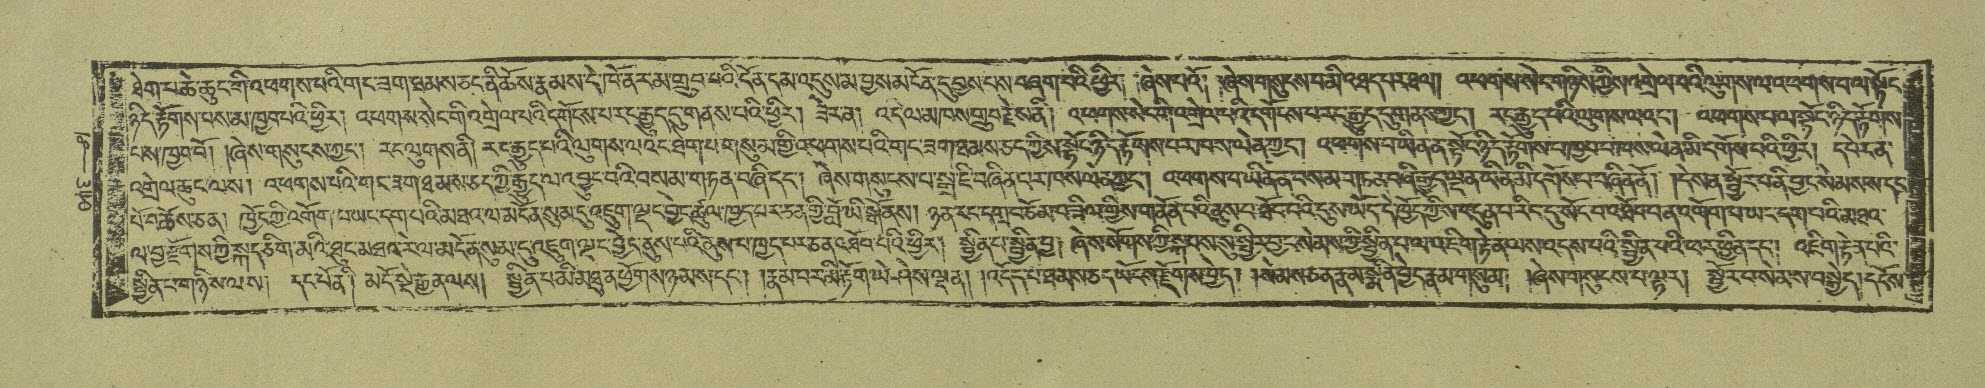ཐེག་པ་ཆེ་ཆུང་གི་འཕགས་པའི་གང་ཟག་ཐམས་ཅད་ནི་ཆོས་རྣམས་དེ་ཁོ་ནར་མ་གྲུབ་པའི་དོན་དམ་འདུས་མ་བྱས་མངོན་དུ་བྱས་པས་བཞག་པའི་ཕྱིར། །ཞེས་པའོ། །ཞེས་གསུངས་པ་མི་འཐད་པ་ཐལ། འཕགས་སེང་གཉིས་ཀྱིས་འགྲེལ་བའི་ལུགས་ལ་འཕགས་པ་ལ་སྟོང་
ཉིད་རྟོགས་བས་མ་ཁྱབ་པའི་ཕྱིར། འཕགས་སེང་གི་འགྲེལ་བའི་དགོངས་པ་རང་རྒྱུད་དུ་གནས་པའི་ཕྱིར། ཟེར་ན། འདི་ལ་མཁས་གྲུབ་རྗེས་ནི། འཕགས་སེང་གི་འགྲེལ་བའི་དགོངས་པ་རང་རྒྱུད་དུ་གནས་ཀྱང་། རང་རྒྱུད་པའི་ལུགས་ལའང་། འཕགས་པ་ལ་སྟོང་ཉིད་རྟོགས་
པས་ཁྱབ་བོ། །ཞེས་གསུངས་ཀྱང་། རང་ལུགས་ནི། རང་རྒྱུད་པའི་ལུགས་ལའང་ཐེག་པ་གསུམ་གྱི་འཕགས་པའི་གང་ཟག་ཐམས་ཅད་ཀྱིས་སྟོང་ཉིད་རྟོགས་པར་ཁས་ལེན་ཀྱང་། འཕགས་པ་ཡིན་ན་སྟོང་ཉིད་རྟོགས་པ་ཁྱབ་པ་ཁས་ལེན་མི་དགོས་པའི་ཕྱིར། དཔེར་ན་
འགྲེལ་ཆུང་ལས། འཕགས་པའི་གང་ཟག་ཐམས་ཅད་གྱི་རྒྱུད་ལ་འབྱུང་བའི་བསམ་གཏན་བཞི་དང་། ཞེས་གསུངས་པ་སྒྲ་ཇི་བཞིན་པར་ཁས་ལེན་ཀྱང་། འཕགས་པ་ཡིན་ན་བསམ་གཏན་བཞི་རྒྱུད་ལྡན་ཡིན་མི་དགོས་པ་བཞིན་ནོ། །དེས་ན་སྦྱོར་བ་ནི་བྱང་སེམས་ས་དང་
པོ་བ་ཆོས་ཅན། ཁྱོད་ཀྱི་འགོག་པ་ཡང་དག་པའི་མཐའ་ལ་མངོན་སུམ་དུ་འཇུག་ལྡང་བྱེད་ཚུལ་ཁྱད་པར་ཅན་གྱི་བློ་ཡི་སྒོ་ནས། ཉན་རང་དགྲ་བཅོམ་པ་ཟིལ་གྱིས་གནོན་པའི་ནུས་པ་ཐོབ་པའི་དུས་ཡོད་དེ་ཁྱོད་ཀྱི་ས་བདུན་པ་རིང་དུ་སོང་བ་འཐོབ་པ་ན་འགོག་པ་ཡང་དག་པའི་མཐའ་
ལ་བྱང་རྫོགས་ཀྱི་སྐད་ཅིག་མའི་ཐུང་མཐའ་རེ་ལ་མངོན་སུམ་དུ་འཇུག་ལྡང་བྱེད་ནུས་པའི་ནུས་པ་ཁྱད་པར་ཅན་འཐོབ་པའི་ཕྱིར། སྦྱིན་པ་སྦྱིན་བྱ། ཞེས་སོགས་ཀྱི་སྐབས་སུ་སྤྱིར་བྱང་སེམས་ཀྱི་སྦྱིན་པ་ལ་འཇུག་རྟེན་ལས་འདས་པའི་སྦྱིན་པའི་ཕར་ཕྱིན་དང་། འཇུག་རྟེན་བའི་
སྦྱིན་པ་གཉིས་ལས། དང་པོ་ནི། མདོ་སྡེ་རྒྱན་ལས། སྦྱིན་པ་མི་མཐུན་ཕྱོགས་ཉམས་དང་། །རྣམ་པར་མི་རྟོག་ཡེ་ཤེས་ལྡན། །འདོད་པ་ཐམས་ཅད་ཡོངས་རྫོགས་བྱེད། །སེམས་ཅན་རྣམ་སྨིན་བྱེད་རྣམ་གསུམ། །ཞེས་གསུངས་པ་ལྟར། སྦྱོར་བ་སེམས་བསྐྱེད། དངོས་